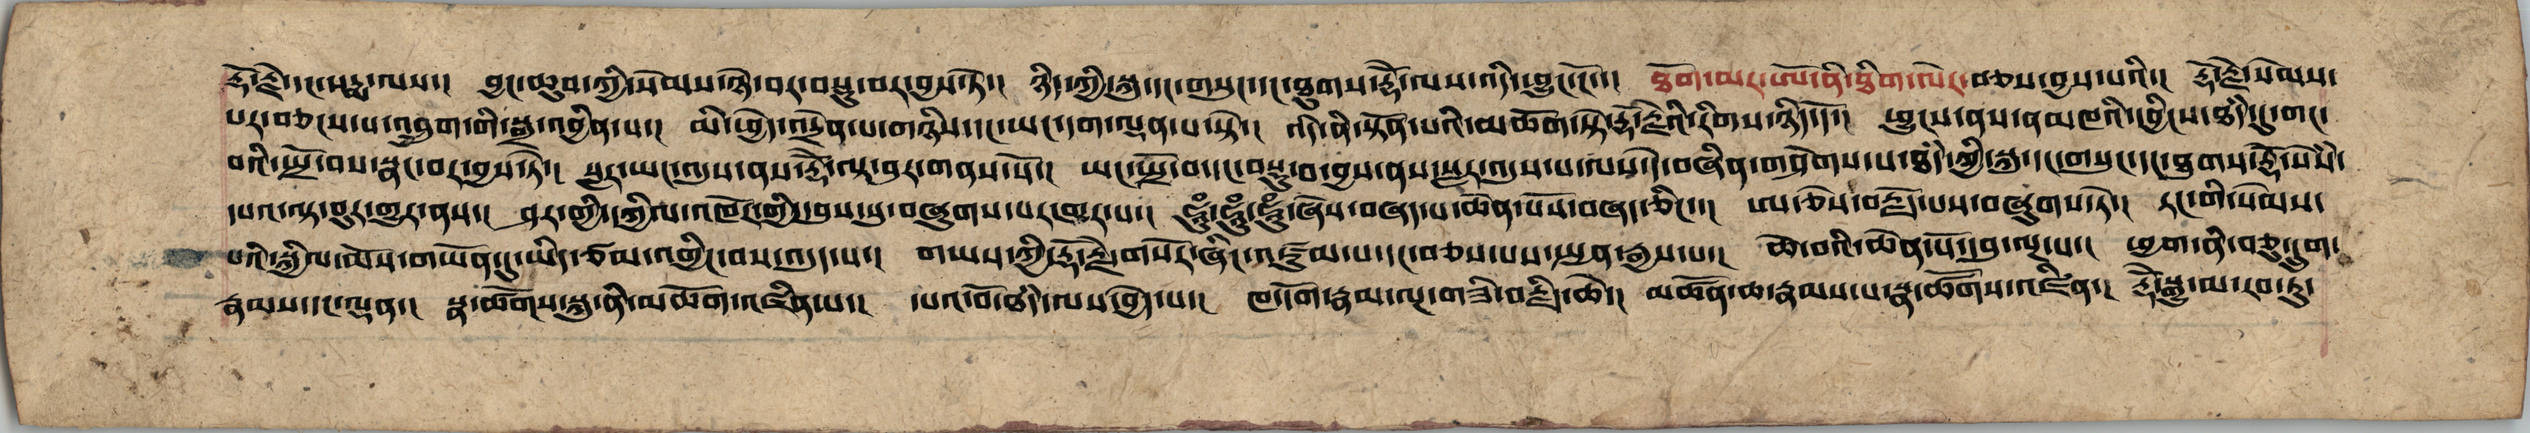རྡོ་རྗེ་དང་པདྨ་ལས་། བྱང་ཆུབ་ཀྱི་སེམས་ཉེ་བར་བསྡུ་བར་བྱས་ཏེ་། ཉིད་ཀྱི་སྐུ་དང་གསུང་དང་ཐུགས་རྡོེ་ལས་འདི་ཕྱུང་ངོ་་། ཐོག་མར་ཨོ་ནི་ཐིག་ལེར་བཅས་བྱས་པའི་། རྡོ་རྗེ་སེམས་
པར་བཅངས་པ་འབྲུག་གི་སྒྲ་འབྱིན་པ་། མི་ཕྱེད་འདྲེན་པ་གཉིས་དང་ཡང་དག་ལྡན་པ་སྟེ་། འདི་ནི་སྟོན་པའི་མཆོག་སྟེ་རྡོ་རྗེའི་རིགས་ཉིད་དོ་། ཕྱུངས་ནས་ནམཁའི་དབྱིངས་ཐཾད་དུ་གང་
བའི་སྤྲོ་བས་སྣང་བར་བྱས་ཏེ་། སླར་ཡང་འདུས་ནས་རྡོེ་ལྟ་བུར་གནས་སོ་། ཡང་སྤྲོ་བ་དང་བསྡུ་བ་བྱས་ནས་སླར་འདུས་པ་ལས་དེ་བཞིན་གཤེགས་པ་ཐཾད་ཀྱི་སྐུ་དང་གསུང་དང་ཐུགས་རྡོེ་སེཾས་
དཔའ་ལྟ་བུར་གྱུར་ནས་། ཤར་གྱི་དཀྱིལ་འཁོར་གྱི་དབུས་སུ་བཞུགས་པར་གྱུར་པ་། ཧཱུཾ་ཧཱུཾ་ཧཱུཾ་ཞེས་བཞད་པ་ཆེན་པོས་བཞད་ཅིང་་། ཨ་ཅེས་བརྗོད་པས་བཞུགས་ཏེ་། རང་གི་སེམས་
པའི་སྐྱིལ་མོས་གཡོན་དུ་ཡིད་ཙམ་འགྱིང་བས་འདུད་པ་། གཡས་ཀྱི་་རྡོ་རྗེ་གསོར་ཞིང་འཛུམ་པ་དང་བཅས་པས་སྤྱན་རྒྱས་པ་། ཆེ་བའི་ཆེན་པོ་དབུ་ལྔ་པ་། ཕྱག་ནི་བཅུ་དྲུག་
རྣམས་དང་ལྡན་། སྣ་ཚོགས་སྐུ་ནི་མཆོག་འཛིན་པ་། དཔའ་བོ་ཐཾད་ལས་བྱེད་པ་། ཁ་དོག་རྣམ་ལྔ་གཟི་བརྗིད་ཆེ་། མཚོན་ཆ་རྣམས་པ་སྣ་ཚོགས་འཛིན་། རྡོེ་སྒྱུ་མ་རབ་ཏུ་